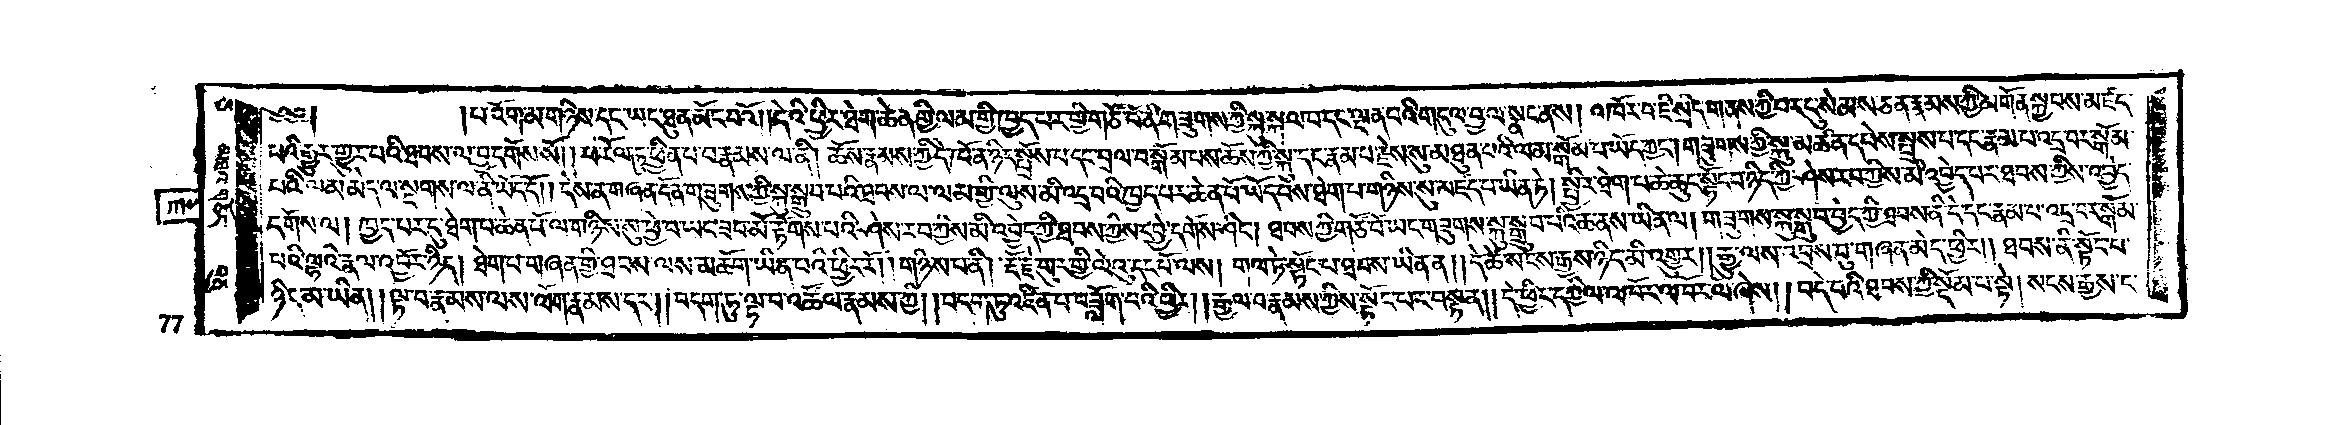༄༅། །པ་འོག་མ་གཉིས་དང་ཡང་ཐུན་མོང་བའོ། །དེའི་ཕྱིར་ཐེག་ཆེན་གྱི་ལམ་གྱི་ཁྱད་པར་གྱི་གཙོ་བོ་ནི་གཟུགས་ཀྱི་སྐུ་སྐལ་བ་དང་ལྡན་པའི་གདུལ་བྱ་ལ་སྣང་ནས། འཁོར་བ་ཇི་སྲིད་གནས་ཀྱི་བར་དུ་སེམས་ཅན་རྣམས་ཀྱི་མགོན་སྐྱབས་མཛད་
པའི་རྒྱུར་གྱུར་པའི་ཐབས་ལ་བྱ་དགོས་སོ། །ཕ་རོལ་ཏུ་ཕྱིན་པ་བ་རྣམས་ལ་ནི། ཆོས་རྣམས་ཀྱི་དེ་ཁོ་ན་ཉིད་སྤྲོས་པ་དང་བྲལ་བ་སྒོམ་པས་ཆོས་ཀྱི་སྐུ་དང་རྣམ་པ་རྗེས་སུ་མཐུན་པའི་ལམ་སྒོམ་པ་ཡོད་ཀྱང་། གཟུགས་ཀྱི་སྐུ་མཚན་དཔེས་སྤྲས་པ་དང་རྣམ་པ་འདྲ་བར་སྒོམ་
པའི་ལམ་མེད་ལ་སྔགས་ལ་ནི་ཡོད་དོ། །དེས་ན་གཞན་དོན་གཟུགས་ཀྱི་སྐུ་སྒྲུབ་པའི་ཐབས་ལ་ལམ་གྱི་ལུས་མི་འདྲ་བའི་ཁྱད་པར་ཆེན་པོ་ཡོད་པས་ཐེག་པ་གཉིས་སུ་མཛད་པ་ཡིན་ཏེ། སྤྱིར་ཐེག་པ་ཆེ་ཆུང་སྟོང་པ་ཉིད་ཀྱི་ཤེས་རབ་ཀྱིས་མི་འབྱེད་པར་ཐབས་ཀྱིས་འབྱད་
དགོས་ལ། ཁྱད་པར་དུ་ཐེག་པ་ཆེན་པོ་ལ་གཉིས་སུ་ཕྱེ་བ་ཡང་ཟབ་མོ་རྟོགས་པའི་ཤེས་རབ་ཀྱིས་མི་འབྱེད་ཀྱི་ཐབས་ཀྱིས་དབྱེ་དགོས་ཤིང་། ཐབས་ཀྱི་གཙོ་བོ་ཡང་གཟུགས་སྐུ་སྒྲུབ་པའི་ཆ་ནས་ཡིན་ལ། གཟུགས་སྐུ་སྒྲུབ་བྱེད་ཀྱི་ཐབས་ནི་དེ་དང་རྣམ་པ་འདྲ་བར་སྒོམ་
པའི་ལྷའི་རྣལ་འབྱོར་ཉིད། ཐེག་པ་གཞན་གྱི་ཐབས་ལས་མཆོག་ཡིན་པའི་ཕྱིར་རོ། །གཉིས་པ་ནི། རྡོ་རྗེ་གུར་གྱི་ལེའུ་དང་པོ་ལས། གལ་ཏེ་སྟོང་པ་ཐབས་ཡིན་ན། །དེ་ཚེ་སངས་རྒྱས་ཉིད་མི་འགྱུར། །རྒྱུ་ལས་འབྲས་བུ་གཞན་མེད་ཕྱིར། །ཐབས་ནི་སྟོང་པ་
ཉིད་མ་ཡིན། །ལྟ་བ་རྣམས་ལས་ལོག་རྣམས་དང་། །བདག་ཏུ་ལྟ་བ་འཚོལ་རྣམས་ཀྱི། །བདག་ཏུ་འཛིན་པ་བཟློག་པའི་ཕྱིར། །རྒྱལ་བ་རྣམས་ཀྱིས་སྟོང་པར་བསྟན། །དེ་ཕྱིར་དཀྱིལ་འཁོར་འཁོར་ལོ་ཞེས། །བདེ་བའི་ཐབས་ཀྱི་སྡོམ་པ་སྟེ། སངས་རྒྱས་ང་